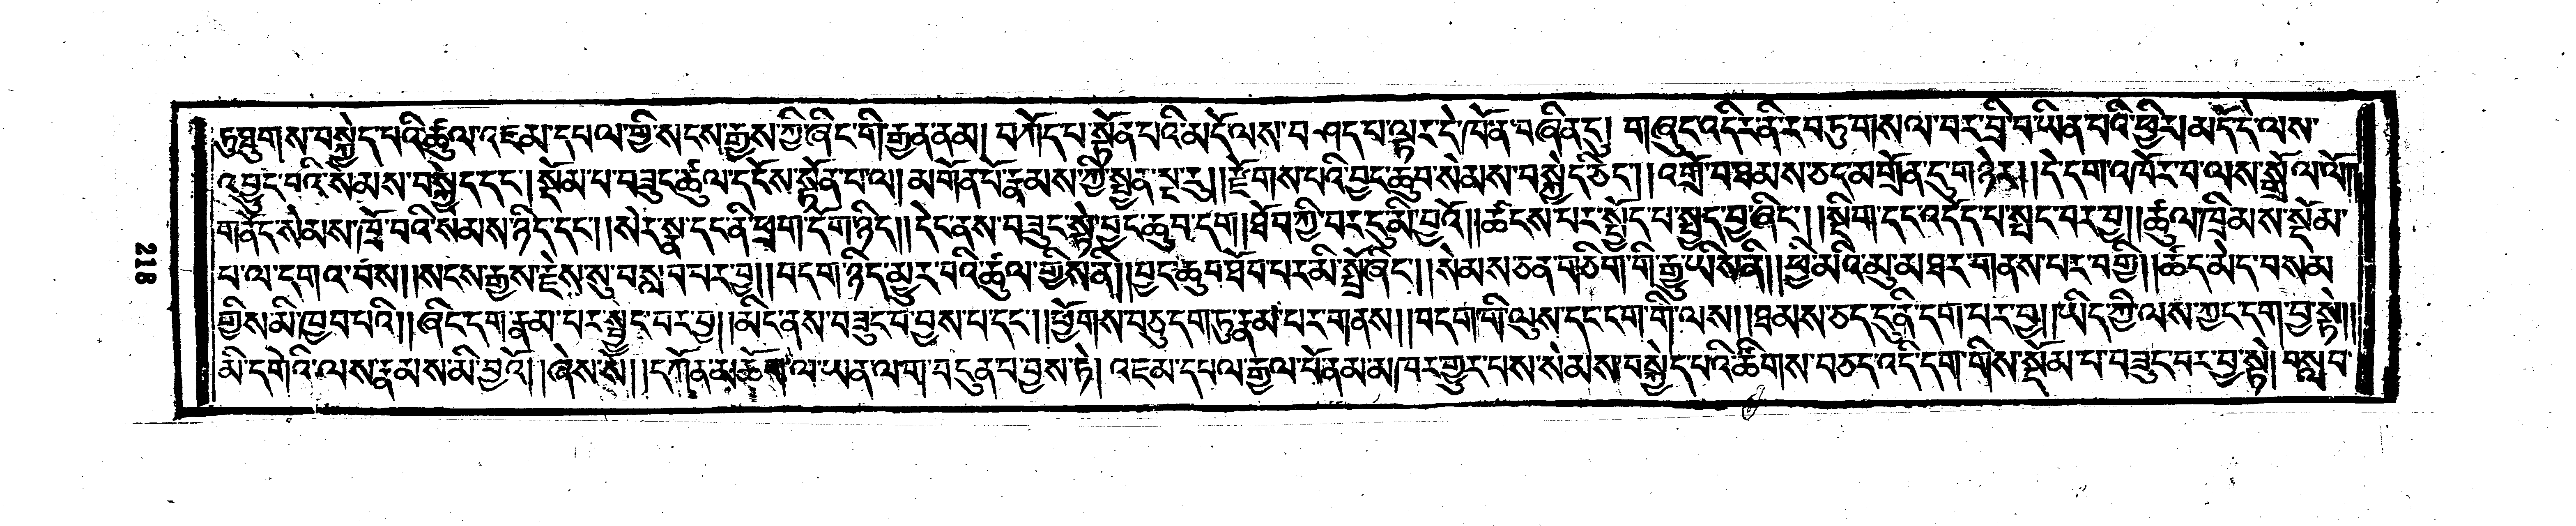ཏུ་ཐུགས་བསྐྱེད་པའི་ཚུལ་འཇམ་དཔལ་གྱི་སངས་རྒྱས་ཀྱི་ཞིང་གི་རྒྱན་ནམ། བཀོད་པ་སྟོན་པའི་མདོ་ལས་བཤད་པ་ལྟར་དེ་ཁོ་ན་བཞིན་དུ། གཞུང་འདིར་ནི་རབ་ཏུ་གསལ་བར་བྲི་བ་ཡིན་པའི་ཕྱིར། མདོ་དེ་ལས་
འབྱུང་བའི་སེམས་བསྐྱེད་དང་། སྡོམ་པ་བཟུང་ཚུལ་དངོས་སྟོན་པ་ལ། མགོན་པོ་རྣམས་ཀྱི་སྤྱན་སྔ་རུ། །རྫོགས་པའི་བྱང་ཆུབ་སེམས་བསྐྱེད་ཅིང་། །འགྲོ་བ་ཐམས་ཅད་མགྲོན་དུ་གཉེར། །དེ་དག་འཁོར་བ་ལས་སྒྲོལ་ལོ། །
གནོད་སེམས་ཁྲོ་བའི་སེམས་ཉིད་དང་། །སེར་སྣ་དང་ནི་ཕྲག་དོག་ཉིད། །དེང་ནས་བཟུང་སྟེ་བྱང་ཆུབ་དང་། །ཐོབ་ཀྱི་བར་དུ་མི་བྱའོ། །ཚངས་པར་སྤྱོད་པ་སྤྱད་བྱ་ཞིང་། །སྡིག་དང་འདོད་པ་སྤང་བར་བྱ། །ཚུལ་ཁྲིམས་སྡོམ་
པ་ལ་དགའ་བས། །སངས་རྒྱས་རྗེས་སུ་བསླབ་པར་བྱ། །བདག་ཉིད་མྱུར་བའི་ཚུལ་གྱིས་ནི། །བྱང་ཆུབ་ཐོབ་པར་མི་སྤྲོ་ཞིང་། །སེམས་ཅན་གཅིག་གི་རྒྱུ་ཡིས་ནི། །ཕྱི་མའི་མུ་མཐར་གནས་པར་བགྱི། །ཚད་མེད་བསམ་
གྱིས་མི་ཁྱབ་པའི། །ཞིང་དག་རྣམ་པར་སྦྱང་བར་བྱ། །མིང་ནས་བཟུང་བ་བྱས་པ་དང་། །ཕྱོགས་བཅུ་དག་ཏུ་རྣམ་པར་གནས། །བདག་གི་ལུས་དང་ངག་གི་ལས། །ཐམས་ཅད་དུ་ནི་དག་པར་བྱ། །ཡིད་ཀྱི་ལས་ཀྱང་དག་བྱ་སྟེ། །
མི་དགེའི་ལས་རྣམས་མི་བྱའོ། །ཞེས་སོ། །དཀོན་མཆོག་ལ་ཡན་ལག་བདུན་པ་བྱས་ཏེ། འཇམ་དཔལ་རྒྱལ་པོ་ནམ་མཁར་གྱུར་པས་སེམས་བསྐྱེད་པའི་ཚིགས་བཅད་འདི་དག་གིས་སྡོམ་པ་བཟུང་བར་བྱ་སྟེ། བསླབ་